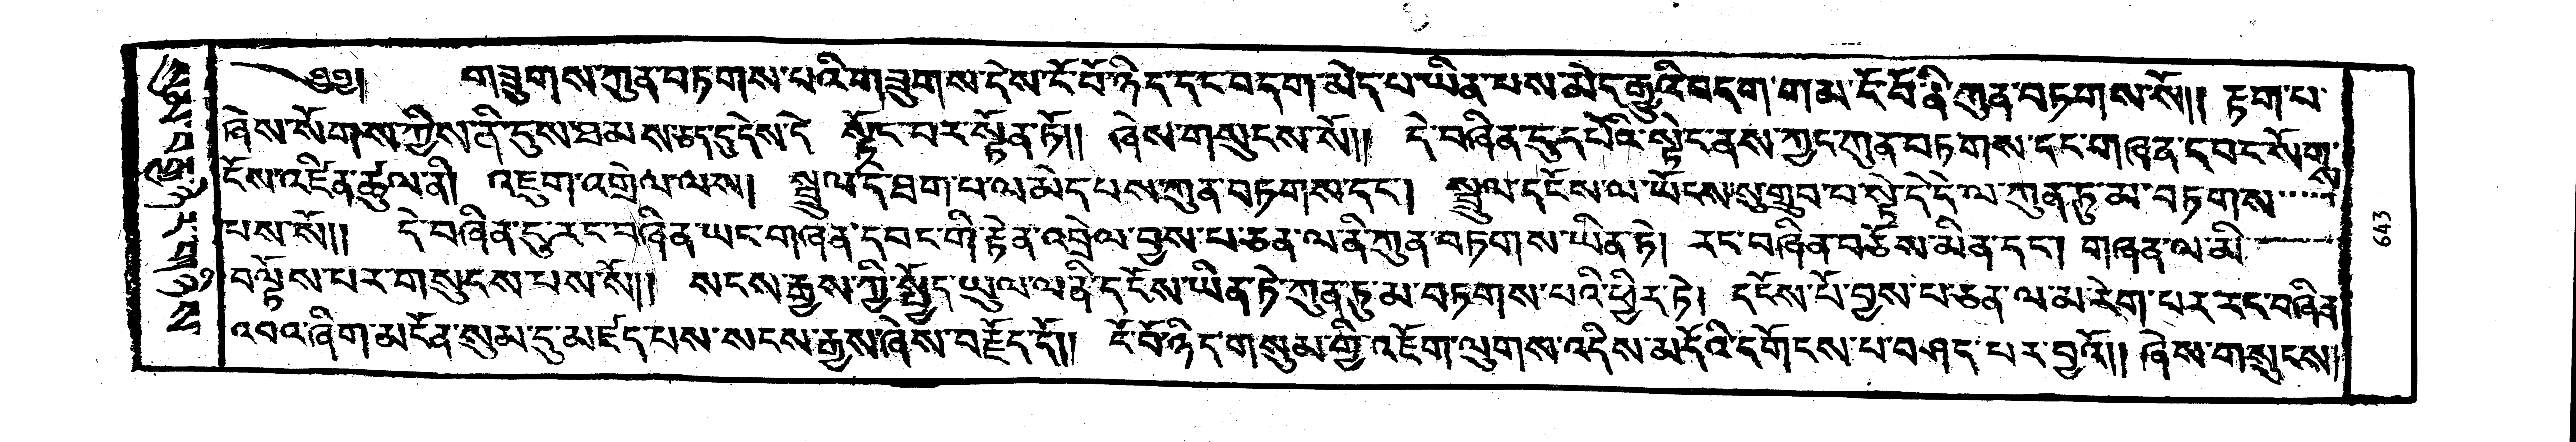༄༅། །གཟུགས་ཀུན་བཏགས་པའི་གཟུགས་དེས་ངོ་བོ་ཉིད་དང་བདག་མེད་པ་ཡིན་པས་མེད་རྒྱུའི་བདག་གམ་ངོ་བོ་ནི་ཀུན་བཏགས་སོ།། རྟག་པ་
ཞེས་སོགས་ཀྱིས་ནི་དུས་ཐམས་ཅད་དུ་དེས་དེ་སྟོང་པར་སྟོན་ཏོ།། ཞེས་གསུངས་སོ།། དེ་བཞིན་དུ་དཔེའི་སྟེང་ནས་ཀྱང་ཀུན་བཏགས་དང་གཞན་དབང་སོགས་
ངོས་འཛིན་ཚུལ་ནི། འཇུག་འགྲེལ་ལས། སྤྲུལ་དེ་ཐག་པ་ལ་མེད་པས་ཀུན་བཏགས་དང་། སྤྲུལ་དངོས་ལ་ཡོངས་སུ་གྲུབ་པ་སྟེ་དེ་དེ་ལ་ཀུན་ཏུ་མ་བཏགས་
པས་སོ།། དེ་བཞིན་དུ་རང་བཞིན་ཡང་གཞན་དབང་གི་རྟེན་འབྲེལ་བྱས་པ་ཅན་ལ་ནི་ཀུན་བཏགས་ཡིན་ཏེ། རང་བཞིན་བཅོས་མིན་དང་། གཞན་ལ་མི་
བལྟོས་པར་གསུངས་པས་སོ།། སངས་རྒྱས་ཀྱི་སྤྱོད་ཡུལ་ལ་ནི་དངོས་ཡིན་ཏེ་ཀུན་ཏུ་མ་བཏགས་པའི་ཕྱིར་ཏེ། དངོས་པོ་བྱས་པ་ཅན་ལ་མ་རེག་པར་རང་བཞིན་
འབའ་ཞིག་མངོན་སུམ་དུ་མཛད་པས་སངས་རྒྱས་ཞེས་བརྗོད་དོ།། ངོ་བོ་ཉིད་གསུམ་གྱི་འཇོག་ལུགས་འདིས་མདོའི་དགོངས་པ་བཤད་པར་བྱའོ།། ཞེས་གསུངས།